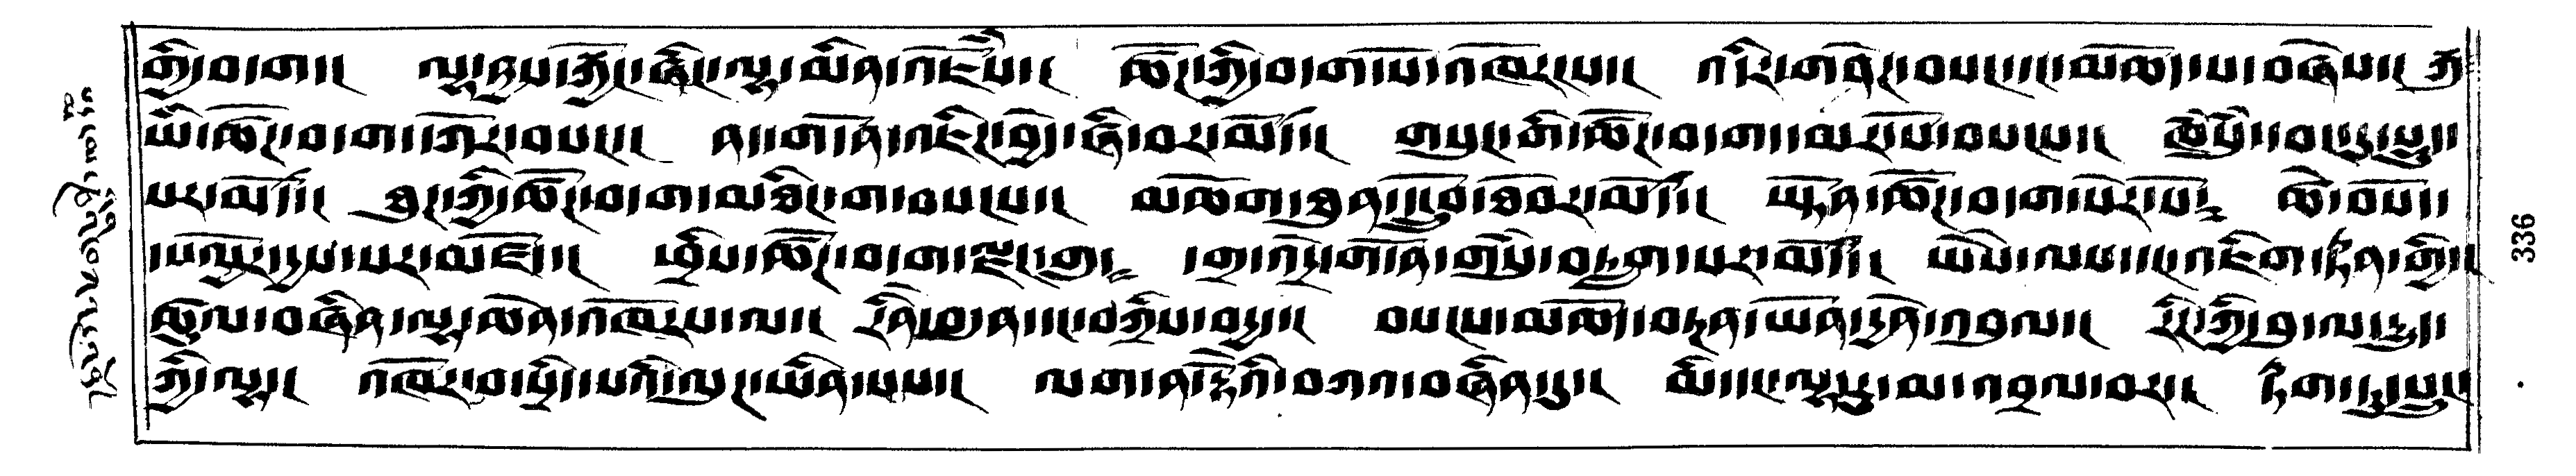ཀྱི་བདག། །ལྷ་གནས་སྐྱོང་ཞིང་ལྷ་མིན་འཇོམས། །ཚོགས་ཀྱི་བདག་པོ་འཁོར་དང་བཅས། །འདིར་གཤེགས་བསང་དང་མཆོད་པ་བཞེས། །སྐུ་
ཡི་ཚོགས་བདག་དཀར་པོ་བསང་། །ནད་གདོན་འཇིགས་བརྒྱད་ཞི་བར་མཛོད། །གསུང་གི་ཚོགས་བདག་དམར་པོ་བསང་། །ཁམས་གསུམ་དབང་དུ་སྡུད་
པར་མཛོད། །ཐུགས་ཀྱི་ཚོགས་བདག་མཐིང་ག་བསང་། །མཆོག་ཐུན་དངོས་གྲུབ་ཐོབ་པར་མཛོད། །ཡོན་ཏན་ཚོགས་བདག་སེར་པོ༴ ཚེ་བསོད་
དཔལ་འབྱོར་རྒྱས་པར་མཛོད། །ཕྲིན་ལས་ཚོགས་བདག་ལྗང་གུ༴ དགྲ་འདྲེ་གདོན་གསུམ་བརླག་པར་མཛོད། །ཡེ་ཤེས་ལས་དང་འཇིག་རྟན་གྱི། །
ཚུལ་བཞིན་ལྷ་ཆེན་འཁོར་བཅས་ལ། །རིན་ཆེན་བདུན་དང་བཀྲ་ཤིས་བརྒྱད། །བསང་མཆོད་རྔན་ཡོན་རྒྱ་ཆེན་འབུལ། །རིགས་ཀྱི་བུ་ལ་བརྒྱུད་
ཀྱི་ལྷ། །འཁོར་བ་སྲིད་པའི་ལུགས་ཡིན་པས། །ལག་ན་རྡོ་རྗེའི་བཀའ་བཞིན་དུ། །མི་དང་ལྷ་རུ་མ་འབྲལ་བར། །རྟག་ཏུ་སྲུང་